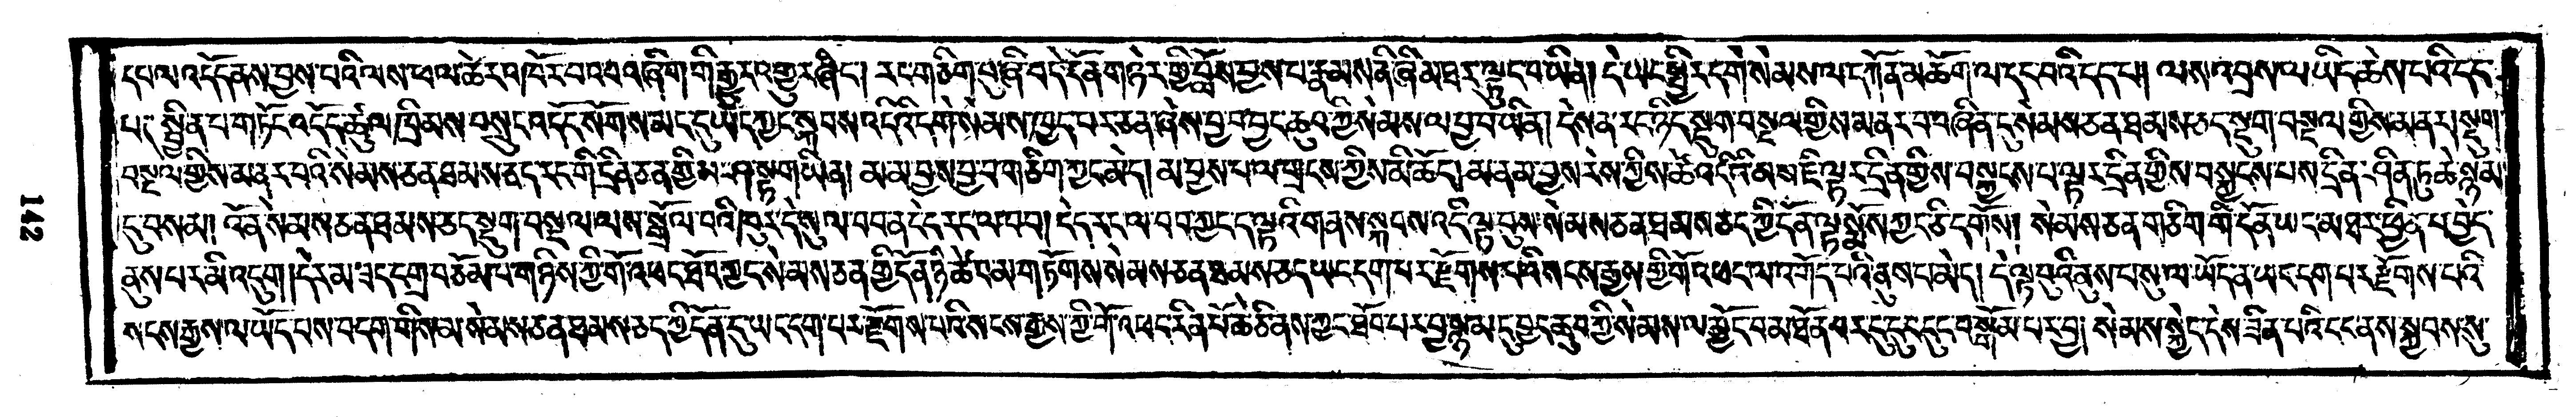དཔལ་འདོད་ནས་བྱས་པའི་ལས་ཕལ་ཆེར་འཁོར་བ་འབའ་ཞིག་གི་རྒྱུར་འགྱུར་ཞིང་། རང་གཅིག་བུ་ཞི་བདེ་དོན་གཉེར་གྱི་བློས་བྱས་པ་རྣམས་ནི་ཞི་མཐར་ལྟུང་བ་ཡིན། དེ་ཡང་སྤྱིར་དགེ་སེམས་ལ་དཀོན་མཆོག་ལ་དང་བའི་དད་པ། ལས་འབྲས་ལ་ཡིད་ཆེས་པའི་དང་
པ༑ སྦྱིན་པ་གཏོང་འདོད་ཚུལ་ཁྲིམས་བསྲུང་འདོད་སོགས་མང་དུ་ཡོད་ཀྱང་སྐབས་འདིའི་དགེ་སེམས་ཁྱད་པར་ཅན་ཞེས་བྱ་བ་བྱང་ཆུབ་ཀྱི་སེམས་ལ་བྱ་བ་ཡིན། དེས་ན་རང་ཉིད་སྡུག་བསྔལ་གྱིས་མནར་བ་བཞིན་དུ་སེམས་ཅན་ཐམས་ཅད་སྡུག་བསྔལ་གྱིས་མནར། སྡུག་
བསྔལ་གྱིས་མནར་བའི་སེམས་ཅན་ཐམས་ཅད་རང་གི་དྲིན་ཅན་གྱི་མ་ཤ་སྟག་ཡིན། མ་མ་བྱས་བྱ་བ་གཅིག་ཀྱང་མེད། མ་བྱས་པ་ལ་གྲངས་ཀྱིས་མི་ཆོད། མནམ་བྱས་རེས་ཀྱིས་ཚེ་འདིའི་མས་ཇི་ལྟར་དྲིན་གྱིས་བསྐྱངས་པ་ལྟར་དྲིན་གྱིས་བསྐྱངས་པས་དྲིན་ཤིན་ཏུ་ཆེ་སྙམ་
དུ་བསམ། འོ་ན་སེམས་ཅན་ཐམས་ཅད་སྡུག་བསྔལ་ལས་སྒྲོལ་བའི་ཁུར་དེ་སུ་ལ་བབ་ན་ངེད་རང་ལ་བབ། ངེ་རང་ལ་བབ་ཀྱང་ད་ལྟའི་གནས་སྐབས་འདི་ལྟ་བུས་སེམས་ཅན་ཐམས་ཅད་ཀྱི་དོན་ལྟ་སྨོས་ཀྱང་ཅི་དགོས། སེམས་ཅན་གཅིག་གི་དོན་ཡང་མཐར་ཕྱིན་པ་བྱེད་
ནུས་པར་མི་འདུག །དེར་མ་ཟད་དགྲ་བཅོམ་པ་གཉིས་ཀྱི་གོ་འཕང་ཐོབ་ཀྱང་སེམས་ཅན་གྱི་དོན་ཉི་ཚེ་བ་མ་གཏོགས་སེམས་ཅན་ཐམས་ཅད་ཡང་དག་པར་རྫོགས་པའི་སངས་རྒྱས་ཀྱི་གོ་འཕང་ལ་འགོད་པའི་ནུས་པ་མེད། དེ་ལྟ་བུའི་ནུས་པ་སུ་ལ་ཡོད་ན་ཡང་དག་པར་རྫོགས་པའི་
སངས་རྒྱས་ལ་ཡོད་པས་བདག་གིས་མ་སེམས་ཅན་ཐམས་ཅད་ཀྱི་དོན་དུ་ཡང་དག་པར་རྫོགས་པའི་སངས་རྒྱས་ཀྱི་གོ་འཕང་རིན་པོ་ཆེ་ཅི་ནས་ཀྱང་ཐོབ་པར་བྱ་སྙམ་དུ་བྱང་ཆུབ་ཀྱི་སེམས་ལ་མྱོང་བ་མཐོན་པར་དུ་དུང་དུང་བསྒོམ་པར་བྱ། སེམས་སྐྱེད་དེས་ཟིན་པའི་ངང་ནས་སྐྱབས་སུ་